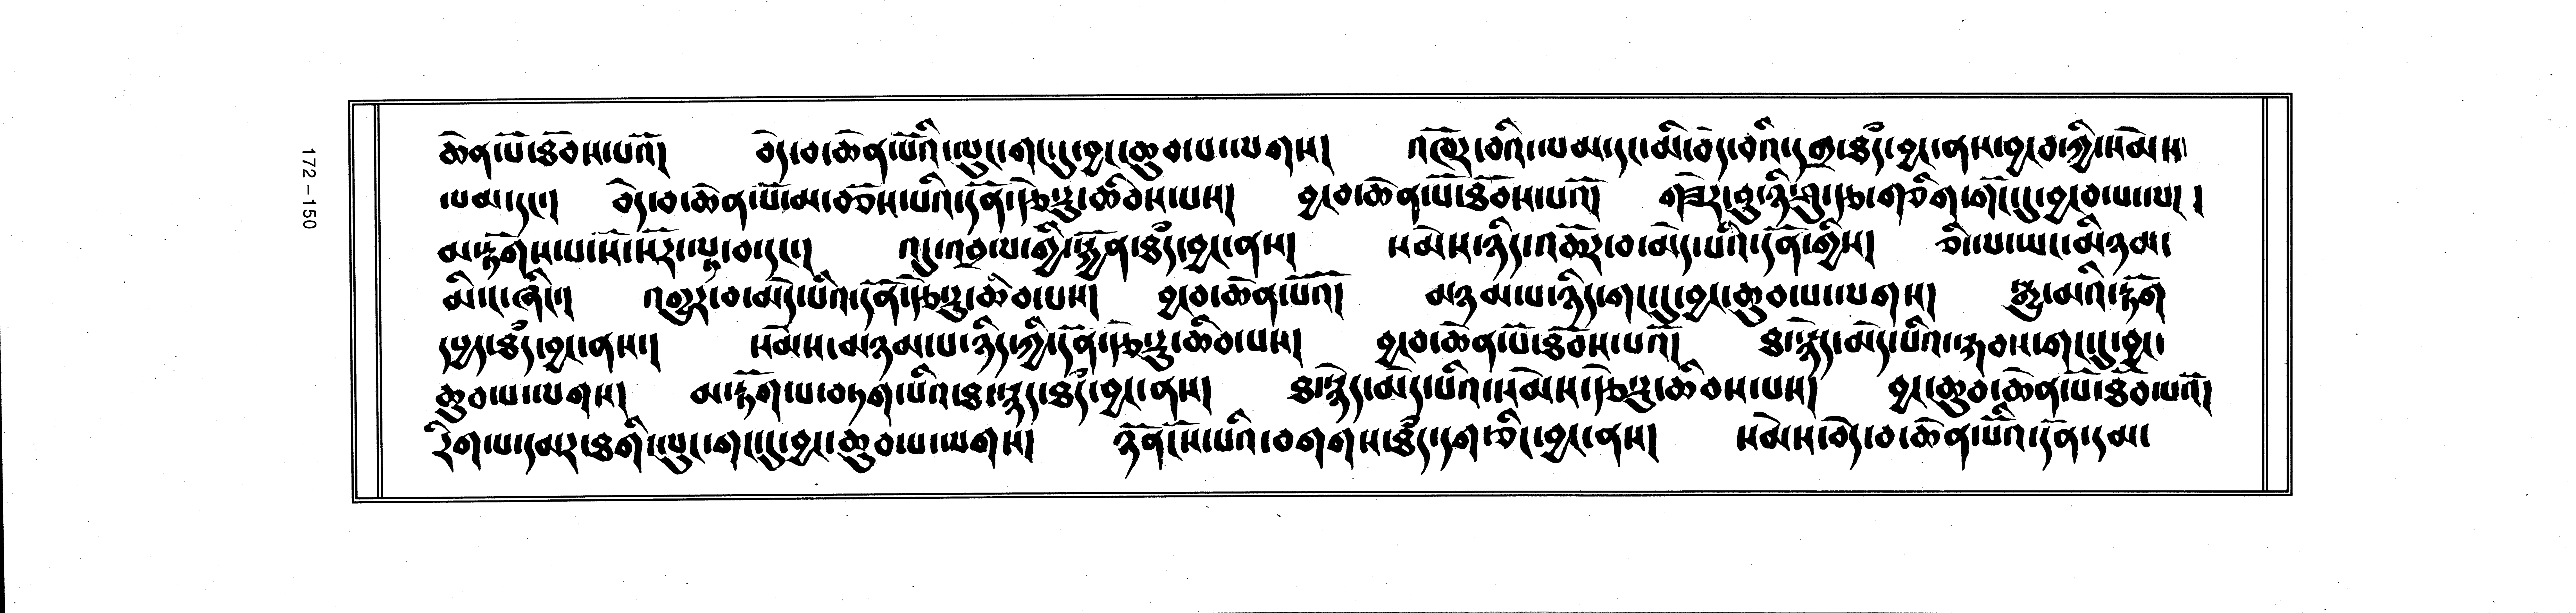ཆེན་པོ་ཐོབ་པའོ། བདེ་བ་ཆེན་པོའི་ལུང་གང་དུ་བྱང་ཆུབ་པ་ལགས། འཁོར་བའི་ལམ་དང་མི་བདེ་བའི་དགྲ་ཐམས་ཅད་བྱང་ནས་བྱང་ཆུབ་ཀྱི་སེམས་
ལམ་དང། བདེ་བ་ཆེན་པོ་མ་བཅོས་པའི་དོན་རྩེ་རུ་ཆིབས་པས། བྱང་ཆུབ་ཆེན་པོ་ཐོབ་པའོ། གཟེར་བུ་ཉི་ཤུ་རྩ་གཅིག་གོང་དུ་བྱང་ཆུབ་པ་ལ། 
མ་རྟོགས་པ་སོ་སོར་ལྟ་བ་དང་། འདུ་འབྲལ་གྱི་སྐྱོན་ཐམས་ཅད་བྱང་ནས། སེམས་ཉིད་འཆོར་བ་མེད་པའི་དོན་གྱིས། ཅི་ལ་ཡང་མི་མཉམ་
མི་ང་ཞིང་། འགྱུར་བ་མེད་པའི་དོན་རྩེ་རུ་ཆིབས་པས། བྱང་ཆུབ་ཆེན་པོའོ། མཉམ་པ་ཉིད་གང་དུ་བྱང་ཆུབ་པ་ལགས། སྒྱུ་མའི་རྟོགས་
དཔྱད་ཐམས་ཅད་བྱང་ནས། སེམས་མཉམ་པ་ཉིད་ཀྱི་དོན་རྩེ་རུ་ཆིབས་པས། བྱང་ཆུབ་ཆེན་པོ་ཐོབ་པའོ། ཐ་སྙེད་མེད་པའི་སྐབས་གང་དུ་བྱང་
ཆུབ་པ་ལགས། མ་རྟོགས་པ་བཏག་པའི་ཐ་སྙད་ཐམས་ཅད་བྱང་ནས། ཐ་སྙེད་མེད་པའི་སེམས་རྩེ་རུ་ཆིབས་པས། བྱང་ཆུབ་ཆེན་པོའི་ཐོབ་པའོ། 
རིག་པ་དམར་ཐག་གི་ལུང་གང་དུ་བྱང་ཆུབ་པ་ལགས། ཉོན་མོངས་པའི་བག་ཆགས་ཐམས་ཅད་དག་ཅིང་བྱང་ནས། སེམས་བདེ་བ་ཆེན་པོའི་དོན་དམ་